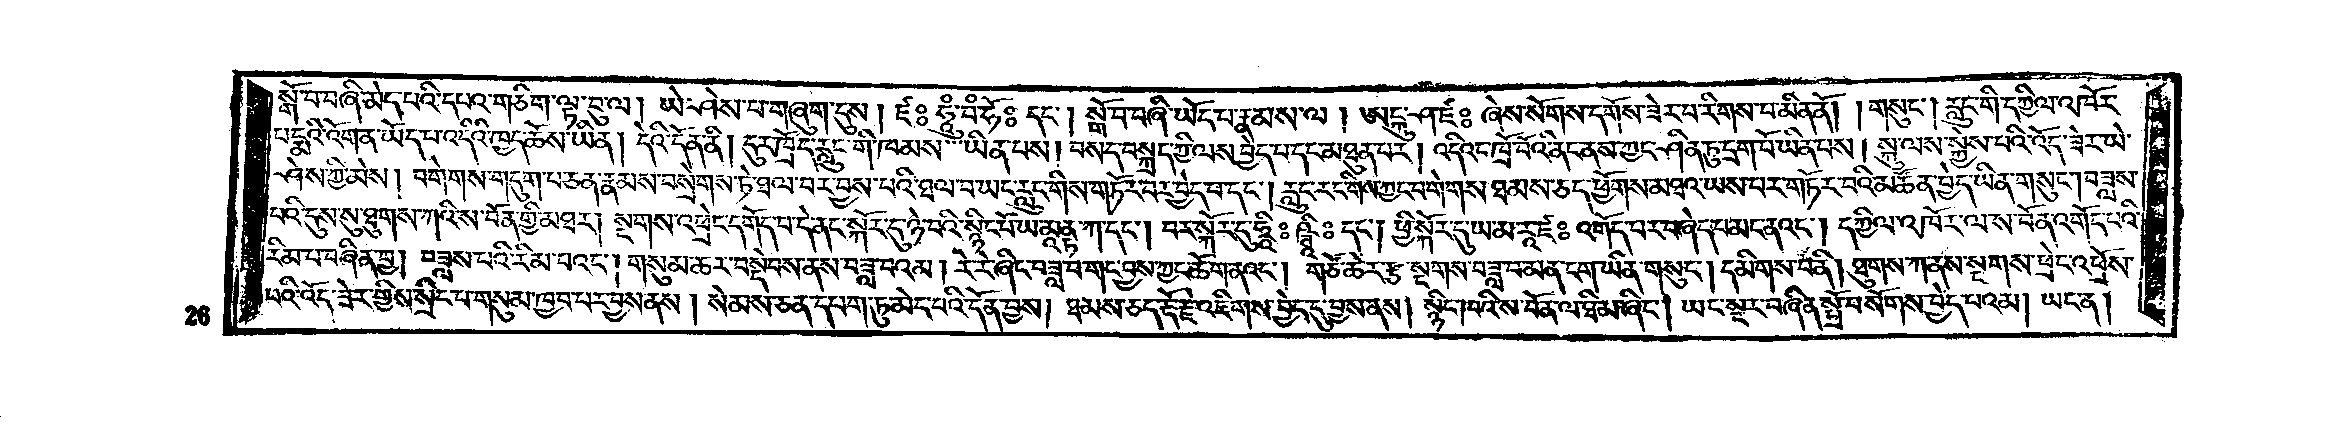སྒོ་བ་བཞི་མེད་པའི་དཔའ་གཅིག་ལྟ་བུ་ལ། ཡེ་ཤེས་པ་གཞུག་དུས། ཛཿ ཧཱུཾ་བཾ་ཧོཿ དང་། སྒོ་བ་བཞི་ཡོད་པ་རྣམས་ལ། ཨངྐུ་ཤ་ཛཿ ཞེས་སོགས་དགོས་ཟེར་བ་རིགས་པ་མིན་ནོ། །གསུང་། རླུང་གི་དཀྱིལ་འཁོར་
པདམའི་འོག་ན་ཡོད་པ་འདིའི་ཁྱད་ཆོས་ཡིན། དེའི་དོན་ནི། དུར་ཁྲོད་རླུང་གི་ཁམས་ཡིན་པས། བསད་བསྐྲད་ཀྱི་ལས་བྱེད་པ་དང་མཐུན་པར། འདིའང་ཁྲོ་བོའི་ནང་ནས་ཀྱང་ཤིན་ཏུ་དྲག་པོ་ཡིན་པས། སྐུ་ལས་སྐྱེས་པའི་འོད་ཟེར་ཡེ་
ཤེས་ཀྱི་མེས། བགེགས་གདུག་པ་ཅན་རྣམས་བསྲེགས་ཏེ་ཐལ་བར་བྱས་པའི་ཐལ་བ་ཡང་རླུང་གིས་གཏོར་བར་བྱེད་པ་དང་། རླུང་རང་གིས་ཀྱང་བགེགས་ཐམས་ཅད་ཕྱོགས་མཐའ་ཡས་པར་གཏོར་བའི་མཚོན་བྱེད་ཡིན་གསུང་། བཟླས་
པའི་དུས་སུ་ཐུགས་ཀའི་ས་བོན་གྱི་མཐར། སྔགས་འཕྲེང་དགོད་པ་དེ་ནང་སྐོར་དུ་ཉེ་བའི་སྙིང་པོ་ཡ་མཱནྟ་ཀ་དང་། བར་སྐོར་དུ་ཧྲཱིཿ ཥྚཱིཿ དང་། ཕྱི་སྐོར་དུ་ཡ་མ་རཱ་ཛཿ འགོད་པར་བཞེད་པ་མང་ནའང་། དཀྱིལ་འཁོར་ལ་ས་བོན་འགོད་པའི་
རིམ་པ་བཞིན་བྱ། བཟླས་པའི་རིམ་པའང་། གསུམ་ཆར་བསྡེབས་ནས་བཟླ་བའམ། རེ་རེ་ཞིང་བཟླ་བ་གང་བྱས་ཀྱང་ཆོག་ནའང་། གཙོ་ཆེར་རྩ་སྔགས་བཟླ་བ་མན་ངག་ཡིན་གསུང་། དམིགས་པ་ནི། ཐུགས་ཀ་ནས་སྔགས་ཕྲེང་འཕྲོས་
པའི་འོད་ཟེར་གྱིས་སྲིང་པ་གསུམ་ཁྱབ་པར་བྱས་ནས། སེམས་ཅན་དཔག་ཏུ་མེད་པའི་དོན་བྱས། ཐམས་ཅད་རྡོ་རྗེ་འཇིགས་བྱེད་དུ་བྱས་ནས། སྙིང་ཁའི་ས་བོན་ལ་ཐིམ་ཞིང་། ཡང་སྔར་བཞིན་སྤྲོ་བ་སོགས་བྱེད་པའམ། ཡང་ན།